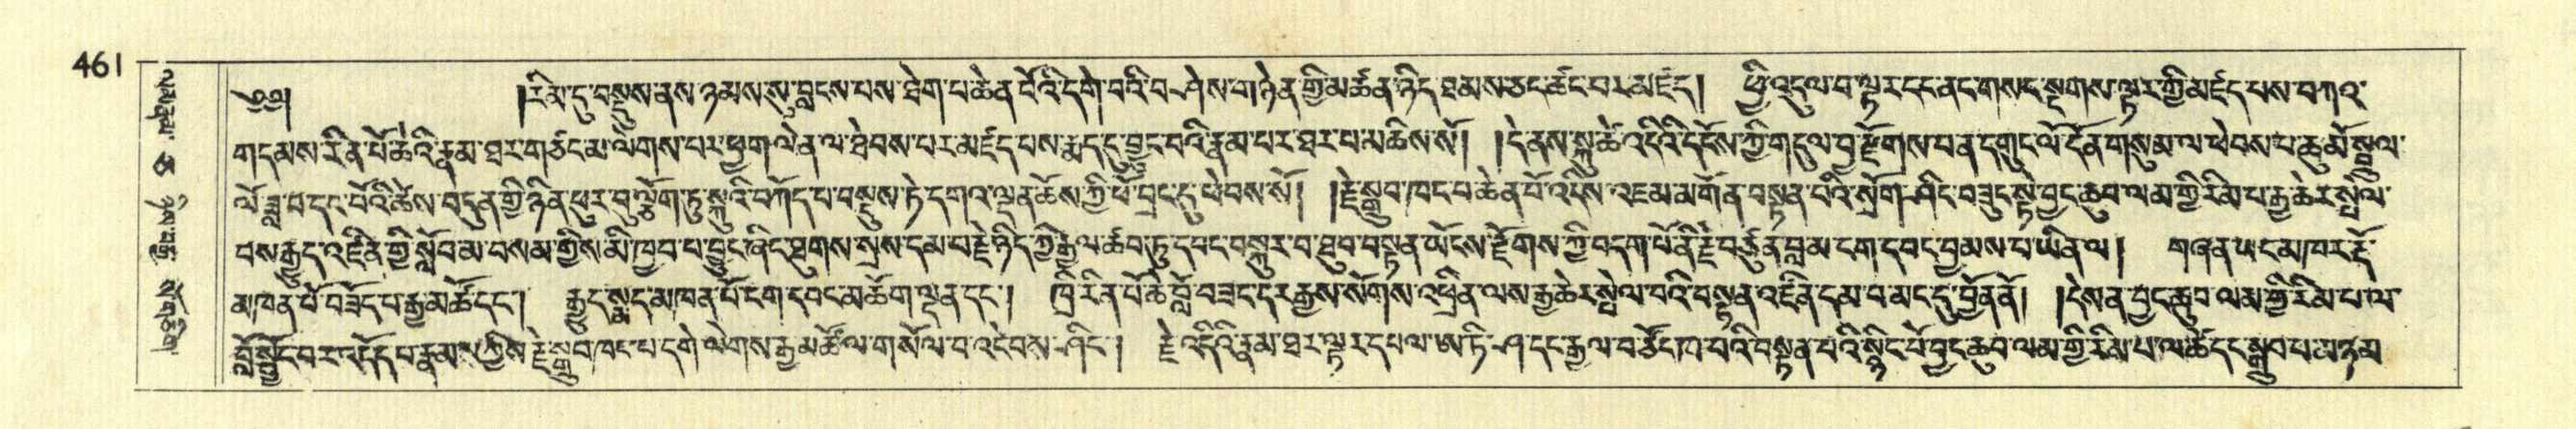༄༅། །རིམ་དུ་བསྡུས་ནས་ཉམས་སུ་བླངས་པས་ཐེག་པ་ཆེན་བོའི་དགེ་བའི་བཤེས་གཉེན་གྱི་མཚན་ཉིད་ཐམས་ཅད་ཚང་བར་མཛད། ཕྱི་འདུལ་བ་ལྟར་དང་ནང་གསང་སྔགས་ལྟར་གྱི་མཛད་པས་བཀའ་
གདམས་རིན་པོ་ཆེའི་རྣམ་ཐར་གཙང་མ་ལགས་པར་ཕྱག་ལེན་ལ་ཐེབས་པར་མཛད་པས་རྨད་དུ་བྱུང་བའི་རྣམ་པར་ཐར་པ་མཆིས་སོ། །དེ་ནས་སྐུ་ཚེ་འདིའི་དངོས་ཀྱི་གདུལ་བྱ་རྫོགས་པ་ན་དགུང་ལོ་དོན་གསུམ་ལ་ཕེབས་པ་ཆུ་མོ་སྤྲུལ་
ལོ་ཟླ་བ་དང་པོའི་ཚེས་བདུན་གྱི་ཉིན་ཕུར་བུ་ལྕོག་ཏུ་སྐུའི་བཀོད་པ་བསྡུས་ཏེ་དགའ་ལྡན་ཆོས་ཀྱི་ཕོ་བྲང་དུ་ཕེབས་སོ། །རྗེ་སྒྲུབ་ཁང་པ་ཆེན་པོ་འདིས་འཇམ་མགོན་བསྟན་པའི་སྲོག་ཤིང་བཟུང་སྟེ་བྱང་ཆུབ་ལམ་གྱི་རིམ་པ་རྒྱ་ཆེར་སྤེལ་
བས་རྒྱུད་འཛིན་གྱི་སློབ་མ་བསམ་གྱིས་མི་ཁྱབ་པ་བྱུང་ཞིང་ཐུགས་སྲས་དམ་པ་རྗེ་ཉིད་ཀྱི་རྒྱལ་ཚབ་ཏུ་དབང་བསྐུར་བ་ཐུབ་བསྟན་ཡོངས་རྫོགས་ཀྱི་བདག་པོ་ནི་རྗེ་བཙུན་བླ་མ་ངག་དབང་བྱམས་པ་ཡིན་ལ། གཞན་ཡང་མཁར་རྡོ་
མཁན་པོ་བཟོད་པ་རྒྱ་མཚོ་དང་། རྒྱུད་སྨད་མཁན་པོ་ངག་དབང་མཆོག་ལྡན་དང་། ཁྲི་རིན་པོ་ཆེ་བློ་བཟང་དར་རྒྱས་སོགས་འཕྲིན་ལས་རྒྱ་ཆེར་སྤེལ་བའི་བསྟན་འཛིན་དམ་པ་མང་དུ་བྱོན་ནོ། །དེས་ན་བྱང་ཆུབ་ལམ་གྱི་རིམ་པ་ལ་
བློ་སྦྱོང་བར་འདོད་པ་རྣམས་ཀྱིས་རྗེ་སྒྲུབ་ཁང་པ་དགེ་ལེགས་རྒྱ་མཚོ་ལ་གསོལ་བ་འདེབས་ཤིང་། རྗེ་འདིའི་རྣམ་ཐར་ལྟར་དཔལ་ཨ་ཏི་ཤ་དང་རྒྱལ་བཙོང་ཁ་བའི་བསྟན་པའི་སྙིང་པོ་བྱང་ཆུབ་ལམ་གྱི་རིམ་པ་ལ་ཚེ་དང་སྒྲུབ་པ་མཉམ་